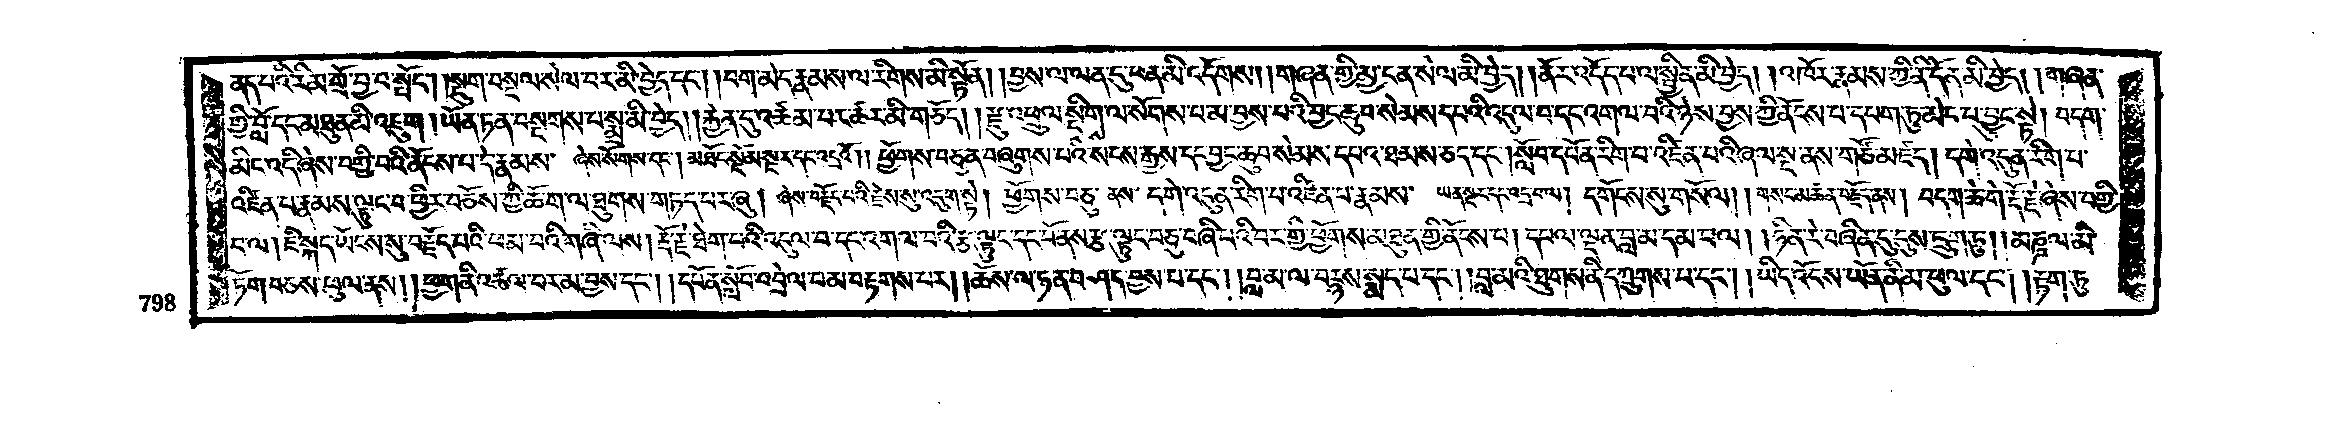ནད་པའི་རིམ་གྲོ་བྱ་བ་སྤོང་། །སྡུག་བསྔལ་སེལ་བར་མི་བྱེད་དང་། །བག་མེད་རྣམས་ལ་རིགས་མི་སྟོན། །བྱས་ལ་ལན་དུ་ཕན་མི་འདོགས། །གཞན་གྱི་མྱ་ངན་སེལ་མི་བྱེད། །ནོར་འདོད་པ་ལ་སྦྱིན་མི་བྱེད། །འཁོར་རྣམས་ཀྱི་ནི་དོན་མི་བྱེད། །གཞན་
གྱི་བློ་དང་མཐུན་མི་འཇུག །ཡོན་ཏན་བསྔགས་པ་སྨྲ་མི་བྱེད། །རྐྱེན་དུ་འཚམ་པར་ཚར་མི་གཅོད། །རྫུ་འཕྲུལ་སྡིགས་ལ་སོགས་པ་མ་བྱས་པའི་བྱང་ཆུབ་སེམས་དཔའི་འདུལ་བ་དང་འགལ་བའི་ཉེས་བྱས་ཀྱི་ནོངས་པ་དཔག་ཏུ་མེད་པ་བྱུང་སྟེ། བདག་
མིང་འདི་ཞེས་བགྱི་བའི་ནོངས་པ་དེ་རྣམས་ཞེས་སོགས་དང་། མཐོང་སྡོམ་སྔར་དང་འདྲའོ། །  ཕྱོགས་བཅུ་ན་བཞུགས་པའི་སངས་རྒྱས་དང་བྱང་ཆུབ་སེམས་དཔའ་ཐམས་ཅད་དང་། སློབ་དཔོན་རིག་པ་འཛིན་པའི་ཞལ་སྔ་ནས་གཙོ་མཛད། དགེ་འདུན་རིག་པ་
འཛིན་པ་རྣམས་ལྟུང་བ་ཕྱིར་བཅོས་ཀྱི་ཆོ་ག་ལ་ཐུགས་གཏད་པར་ཞུ། ཞེས་བརྗོད་པའི་རྗེས་སུ་འདུག་སྟེ།  ཕྱོགས་བཅུ་ནས་དགེ་འདུན་རིག་པ་འཛིན་པ་རྣམས་ཡན་སྔར་དང་འདྲ་བ་ལ།  དགོངས་སུ་གསོལ། ། གསང་མཚན་བརྗོད་ནས།  བདག་ཆེ་གེ་རྡོ་རྗེ་ཞེས་བགྱི་
བ་ལ་།ཇི་སྐད་ཡོངས་སུ་བརྗོད་པའི་ཕམ་པའི་གཞི་ལས། རྡོ་རྗེ་ཐེག་པའི་འདུལ་བ་དང་འགལ་བའི་རྩ་ལྟུང་དང་པོ་ནས་རྩ་ལྟུང་བཅུ་བཞི་པའི་བར་གྱི་ཕྱོགས་མཐུན་གྱི་ནོངས་པ། དཔལ་ལྡན་བླ་མ་དམ་པ་ལ། །ཉིན་རེ་བཞིན་དུ་དུས་དྲུག་ཏུ། །མཎྜལ་མེ་
ཏོག་བཅས་ཕུལ་ནས། །ཕྱག་ནི་འཚལ་བར་མ་བྱས་དང་། །དཔོན་སློབ་འབྲེལ་པ་མ་བརྟགས་པར། །ཆོས་ལ་ཉན་བཤད་བྱས་པ་དང་། །བླ་མ་ལ་བརྙས་སྨད་པ་དང་། །བླ་མའི་ཐུགས་ནི་དཀྲུགས་པ་དང་། །ཡིད་འོངས་ཡོན་ནི་མ་ཕུལ་དང་། །རྟག་ཏུ་